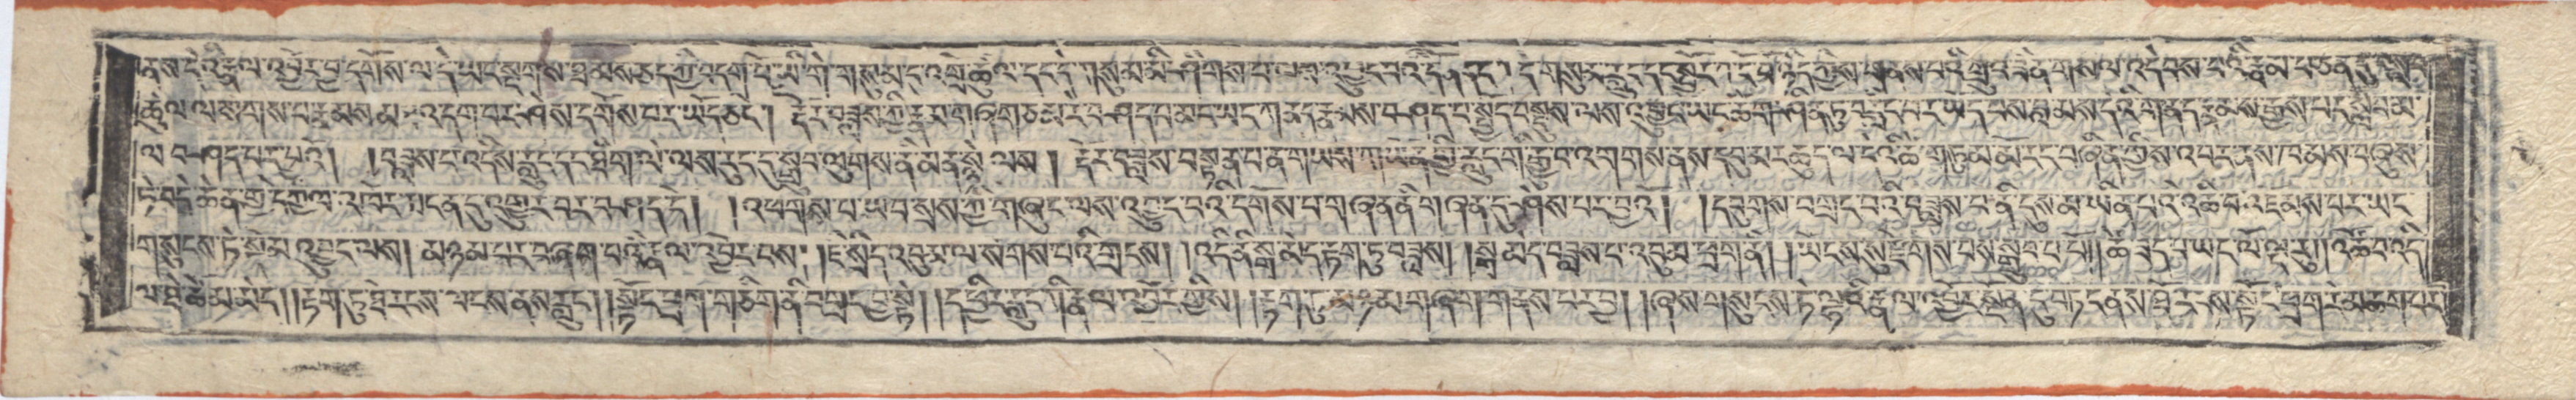ནས་དེའི་རྣལ་འབྱོར་བྱ་དགོས་ལ་དེ་ཡང་སྔགས་ཐམས་ཅད་ཀྱི་བདག་པོ་ཡི་གེ་གསུམ་དུ་འགྲོ་ཚུལ་དང་དེ་གསུམ་མི་ཤིགས་པ་ལས་འབྱུང་བའི་དོན་དང་། དེ་གསུམ་རླུང་དང་སྦྱོར་བ་ངོ་བོ་ཉིད་ཀྱིས་གནས་པའི་གྲུབ་ཟིན་གསལ་འདེབས་པའི་རྣམ་པ་ཅན་དུ་བསླབ་
ཚུལ་ལ་སོགས་པ་རྣམས་མཐའ་དག་པར་ཤེས་དགོས་པར་ཡོད་ཅིང་། རྡོར་བཟླས་ཀྱི་རྣམ་གཞག་ཙམ་རེ་བཤད་པ་མང་ཡང་གནད་རྣམས་བཤད་པ་སྤྱོད་བསྡུས་ལས་འབྱུང་ཡང་ཚིག་ཤིན་ཏུ་བརླིང་བར་ཡོད་པས་བླ་མས་དེའི་གནད་རྣམས་རྒྱས་པར་སློབ་མ་
ལ་བཤད་པར་བྱའོ། །བཟླས་པ་འདིས་རླུང་དང་ཐིག་ལེ་ལས་རུང་དུ་སྒྲུབ་ལུགས་ནི་མན་སྙེ་ལས། རྡོར་བཟླས་བསྟན་པ་ན་གཡས་གཡོན་གྱི་རླུང་གི་རྒྱུ་བ་འགགས་ནས་དབུ་མར་ཚུད་ལ་དེའི་ཚེ་གཏུམ་མོ་རང་བཞིན་གྱིས་འབར་ནས་ཁམས་བཞུས་
ཏེ་བདེ་ཆེན་གྱི་དཀྱིལ་འཁོར་མངོན་དུ་འགྱུར་བར་བཤད་དེ། །འཕགས་པ་ཡབ་སྲས་ཀྱི་གཞུང་ལས་འབྱུང་བའི་དགོས་པ་གཞན་ནི་གཞན་དུ་ཤེས་པར་བྱའོ། །དབུགས་བགྲང་བའི་བཟླས་པ་ནི་དུས་མ་ཡིན་པའི་འཆི་བ་འཇོམས་པར་ཡང་
གསུངས་ཏེ་སྡོམ་འབྱུང་ལས། མཉམ་པར་བཞག་པའི་རྣལ་འབྱོར་བས། །ཇི་སྲིད་འབུམ་ལ་སོགས་པའི་གྲངས། །འདི་ནི་སྒྲ་མེད་རྟག་ཏུ་བཟླས། །སྒྲ་མེད་བཟླས་པ་འབུམ་ཕྲག་ནི། །ཡོངས་སུ་རྫོགས་པས་སྒྲུབ་པ་པོ། །ཚེ་ཟད་པ་ཡང་ལོ་ལྔ་རུ། །འཚོ་བ་འདི་
ལ་ཐེ་ཚོམ་མེད། །རྟག་ཏུ་ཐེ་རངས་ལངས་ནས་རླུང་། །སྟོང་ཕྲག་གཅིག་ནི་བགྲང་བྱ་སྟེ། །དེ་ཕྱིར་རླུང་གི་རྣལ་འབྱོར་གྱིས། །རྟག་ཏུ་མཉམ་གཞག་གནས་པར་བྱ། །ཞེས་གསུངས་ཏེ་ལྷའི་རྣལ་འབྱོར་སྔོན་དུ་བཏང་ནས་ཐོ་རངས་སྟོང་ཕྲག་རེ་མཆག་པར་